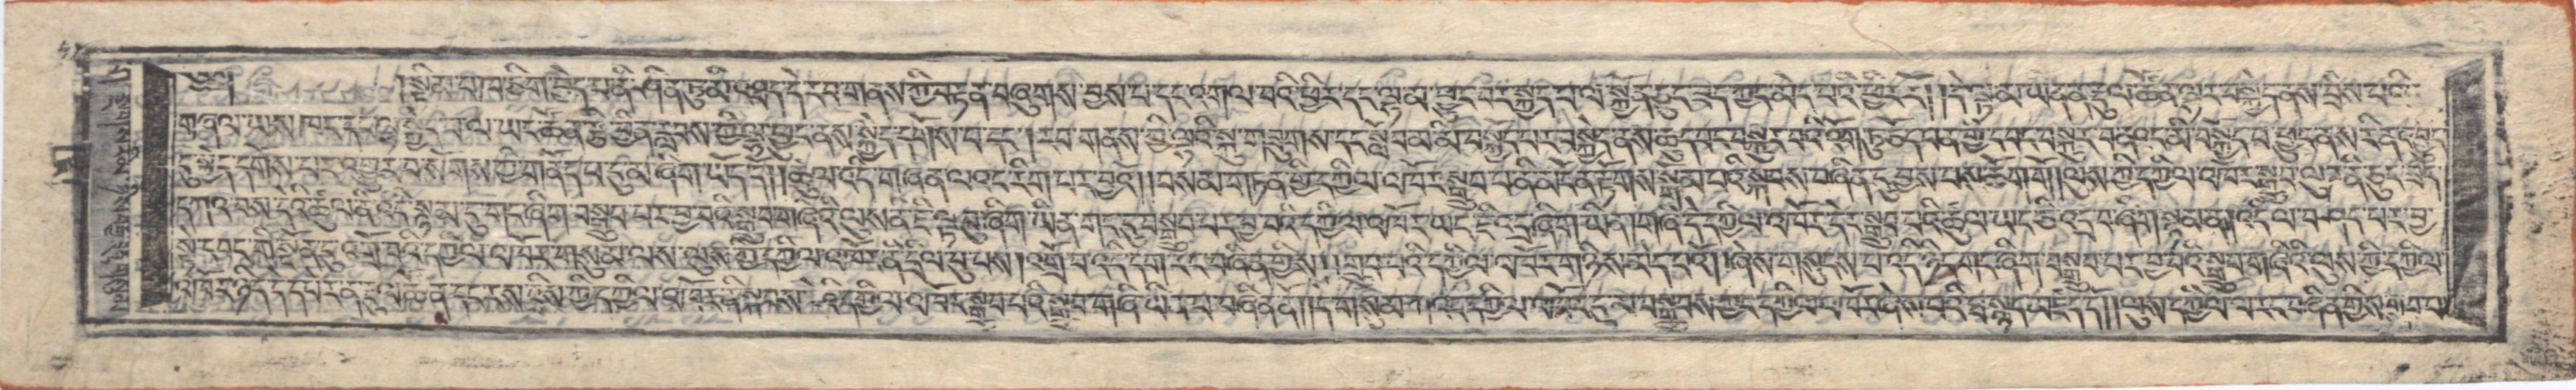༄༅། །སྟིམ་པ་ཁ་ཅིག་བྱེད་པ་ནི་ཤིན་ཏུ་མི་འཐད་དེ་རབ་གནས་ཀྱི་བརྟན་བཞུགས་བྱས་པ་དང་འགལ་བའི་ཕྱིར་དང་ལྷ་མ་ཕྱུང་བར་སྐྱེད་པ་ལ་སྐྱོན་ཅུང་ཟད་ཀྱང་མེད་པའི་ཕྱིར་རོ། །དེ་ལྟ་མ་ཡིན་ན་རྡུལ་ཚོན་ལྷར་བསྐྱེད་ནས་བྲིས་པའི་
གཞལ་ཡས་ཁང་དང་ལྷ་སྐྱེད་པ་ལ་ཡང་ཚོན་རྩི་བྱིན་རླབས་ཀྱི་ལྷ་ཕྱུང་ནས་སྐྱེད་དགོས་པ་དང་། རབ་གནས་ཀྱི་ལྷའི་སྐུ་གཟུགས་དང་སློབ་མ་མི་བསྐྱོད་པར་བསྐྱེད་ནས་ཆུ་དབང་བསྐུར་བའི་འོག་ཏུ་ཅོད་པན་གྱི་དབང་བསྐུར་བ་ནའང་མི་བསྐྱོད་པ་ཕྱུང་ནས་རིན་འབྱུང་
དུ་སྐྱེད་དགོས་པར་འགྱུར་བ་སོགས་ཀྱི་གནོད་པ་དུ་མ་ཞིག་ཡོད་དོ། །ཚུལ་འདི་གཞན་ལའང་རིག་པར་བྱའོ། །བསམ་གཏན་གྱི་དཀྱིལ་འཁོར་སྒྲུབ་པ་ནི་མངོན་རྟོགས་སྒོམ་པའི་སྐབས་བཞིན་དུ་བྱས་པས་ཆོག་གོ །ལུས་ཀྱི་དཀྱིལ་འཁོར་སྒྲུབ་ལུགས་ནི་ཅུང་ཟད་
དཀའ་བས་དེའི་ཚུལ་ནི་འདི་སྙམ་དུ་གང་ཞིག་བསྒྲུབ་པར་བྱ་བའི་སྒྲུབ་གཞིའི་ལུས་ནི་ཇི་ལྟ་བུ་ཞིག་ཡིན་གང་དུ་བསྒྲུབ་པར་བྱ་བའི་དཀྱིལ་འཁོར་ཡང་ཇི་འདྲ་ཞིག་ཡིན། གཞི་དེ་དཀྱིལ་འཁོར་དེར་སྒྲུབ་པའི་ཚུལ་ཡང་ཅི་འདྲ་བ་ཞིག་སྙམ་ན། འདི་ལ་བཤད་པར་བྱ་
སྟེ་དབང་གི་སྔོན་དུ་འགྲོ་བའི་དཀྱིལ་འཁོར་གསུམ་ལས་ལུས་ཀྱི་དཀྱིལ་འཁོར་ནི་དྲིལ་བུ་བས། འགྲོ་བ་འདི་དག་རང་བཞིན་གྱིས། །གྲུབ་པའི་དཀྱིལ་འཁོར་གཉིས་མེད་པའོ། །ཞེས་གསུངས་པ་འདི་ཉིད་གང་ཞིག་བསྒྲུབ་པར་བྱ་བའི་སྒྲུབ་གཞིའི་ལུས་ཀྱི་དཀྱིལ་
འཁོར་ཉིད་དེ་དཔེར་ན་རྡུལ་ཚོན་དང་རས་བྲིས་ཀྱི་དཀྱིལ་འཁོར་ནི་སྐབས་དེའི་དཀྱིལ་འཁོར་སྒྲུབ་པའི་སྒྲུབ་གཞི་ཡིན་པ་བཞིན་ནོ། །དེ་གསུམ་ཀའང་དཀྱིལ་འཁོར་དུ་མ་བསྒྲུབས་ཀྱང་དཀྱིལ་འཁོར་ཞེས་པའི་ཐ་སྙད་མཛད་དོ། །ལུས་དཀྱིལ་ལ་རང་བཞིན་གྱིས་གྲུབ་པ་